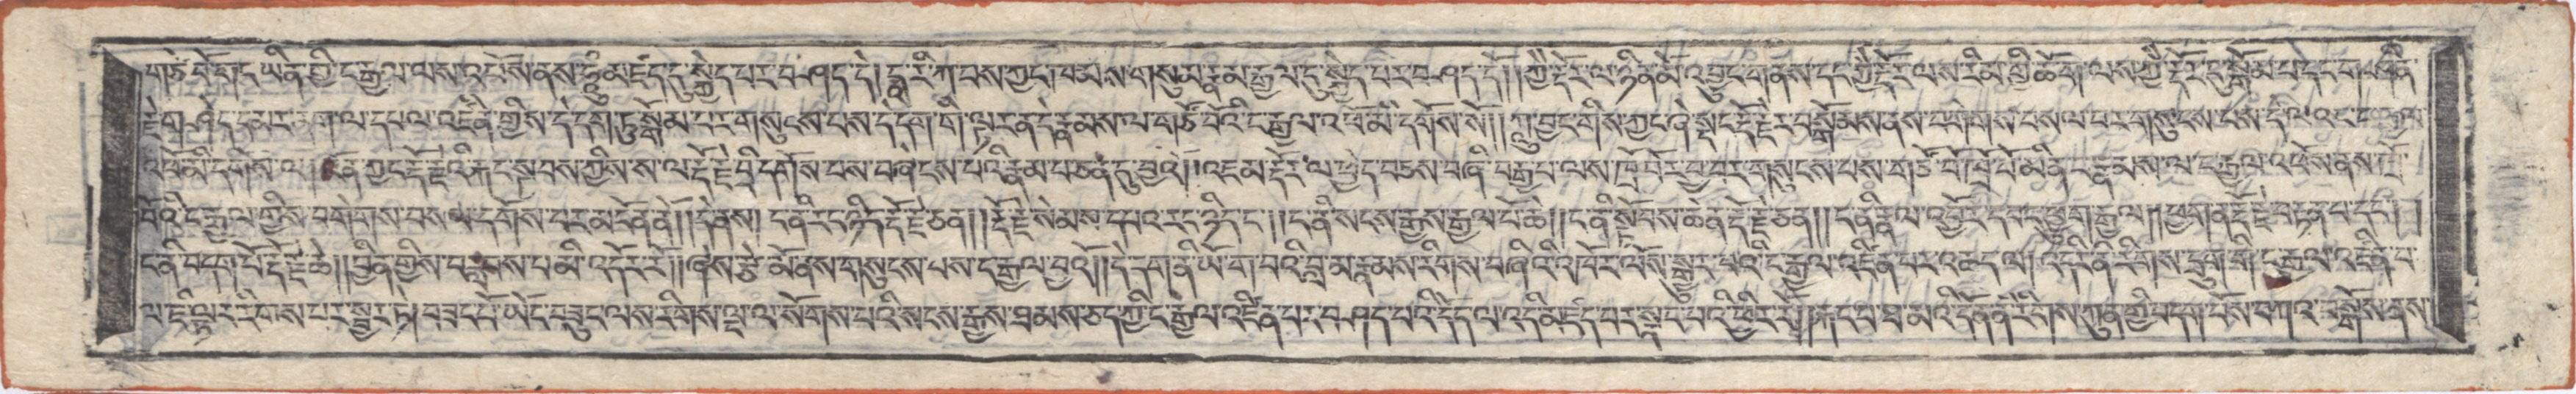གཙོ་བོ་གང་ཡིན་གྱི་ང་རྒྱལ་ལས་འྤོས་ནས་ཧཱུཾ་མཛད་དུ་སྐྱེད་པར་བཤད་དེ། དཱ་རི་ཀ་པས་ཀྱང་ཁམས་གསུམ་རྣམ་རྒྱལ་དུ་སྐྱེད་པར་བཤད་དོ། །ཀྱཻ་རྡོར་ལ་ཉིན་མོ་འབྱུང་གནས་དང་ཀྱཻ་རྡོར་ལས་རིམ་གྱི་ཆོ་ག་ལས་ཀྱཻ་རྡོར་དུ་སྒོམ་པ་དང་གཤིན་
རྗེ་གཤེད་དམར་ནག་ལ་དཔལ་འཛིན་གྱིས་དེ་དག་ཏུ་སྒོམ་པར་གསུངས་པས་དེ་དག་གི་ལྟར་ན་དེ་རྣམས་ལ་གཙོ་བོའི་ང་རྒྱལ་འཕོ་མི་དགོས་སོ། །ཀླུ་བྱང་གིས་ཀྱང་ཞེ་སྡང་རྡོ་རྗེར་བསྒོམས་ནས་བགེགས་བསལ་བར་གསུངས་པས་དེ་ལའང་ང་རྒྱལ་
འཕོ་མི་དགོས་ལ། འོན་ཀྱང་རྡོ་རྗེའི་རྐང་སྟབས་ཀྱིས་ས་ལ་རྡོ་རྗེ་བྲི་དགོས་པས་བཞེངས་པའི་རྣམ་པ་ཅན་དུ་བྱའོ། །འཇམ་རྡོར་ལ་ཕྱེད་བཅས་བཞི་བརྒྱ་པ་ལས་ཁྲོ་བོར་བྱ་བར་གསུངས་པས་གཙོ་བོ་ཁྲོ་པོ་མིན་པ་རྣམས་ལ་ང་རྒྱལ་འཕོས་ནས་ཁྲོ་
བོའི་ང་རྒྱལ་གྱིས་བགེགས་བསལ་དགོས་པར་མངོན་ནོ། །དེ་ནས། ང་ནི་རང་ཉིད་རྡོ་རྗེ་ཅན། །རྡོ་རྗེ་སེམས་དཔའ་རང་ཉིད་ང་། །ད་ནི་སངས་རྒྱས་རྒྱལ་པོ་ཆེ། །ང་ནི་སྟོབས་ཆེན་རྡོ་རྗེ་ཅན། །ང་ནི་རྣལ་འབྱོར་དབང་ཕྱུག་རྒྱལ། །ཕྱག་ན་རྡོ་རྗེ་བརྟན་པ་དང་། །
ང་ནི་བདག་པོ་རྡོ་རྗེ་ཆེ། །བྱིན་གྱིས་བརླབས་པ་མི་འདོར་རོ། །ཞེས་རྩེ་མོ་ནས་གསུངས་པས་ང་རྒྱལ་བྱའོ། །དེ་དག་ནི་ཡོ་ག་བའི་བླ་མ་རྣམས་རིགས་བཞིའི་འཁོར་ལོས་སྒྱུར་པའི་ང་རྒྱལ་འཛིན་པར་འཆད་ལ། འདིར་ནི་རིགས་དྲུག་གི་ང་རྒྱལ་འཛིན་པ་
ལ་ཇི་ལྟར་རིགས་པར་སྦྱར་ཏེ། བཟང་པོ་ཡོང་བཟུང་ལས་རིགས་ལྔ་ལ་སོགས་པའི་སངས་རྒྱས་ཐམས་ཅད་ཀྱི་ང་རྒྱལ་འཛིན་པར་བཤད་པའི་དོད་ལ་འདི་མཛད་པར་སྣང་བའི་ཕྱིར་རོ། །རྐང་པ་ཐ་མའི་དོན་ནི་རིགས་ཀུན་གྱི་བདག་པོས་བཀའ་བསྒོས་ནས་